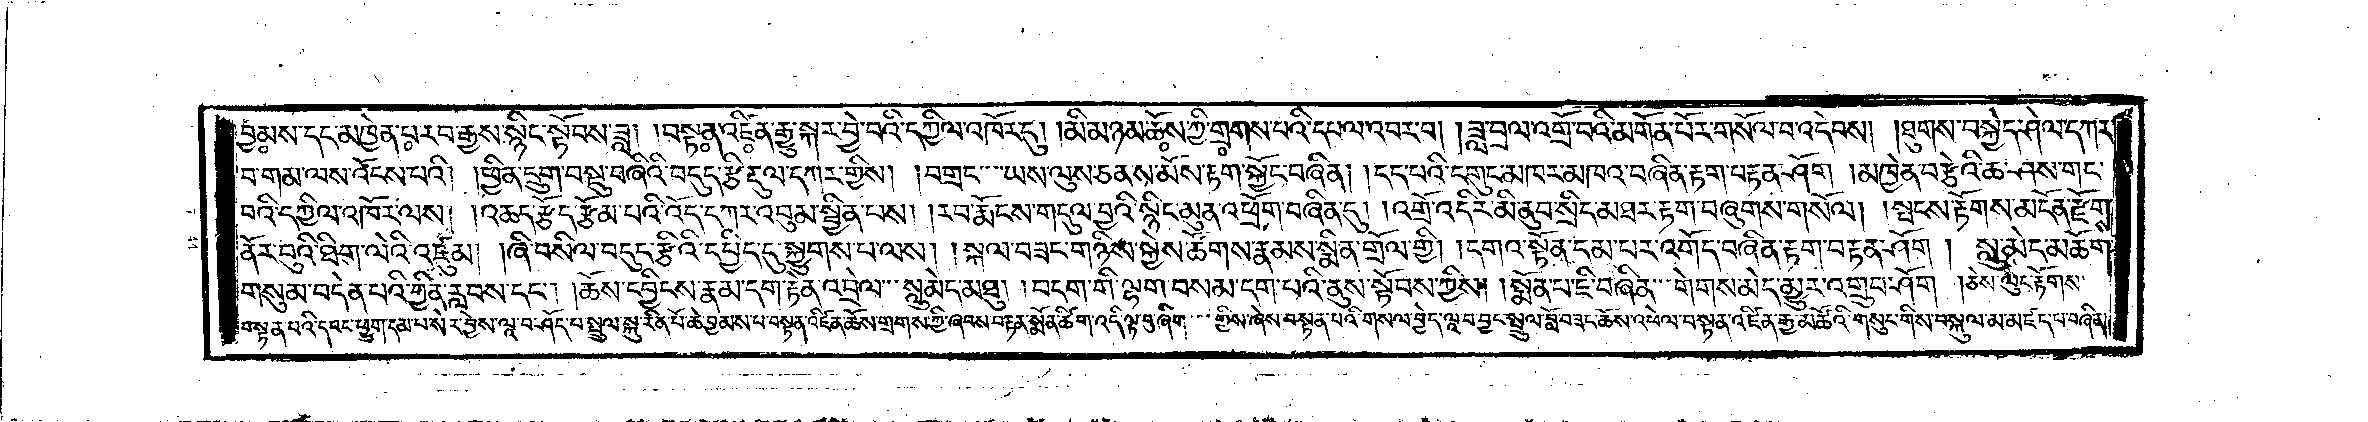བྱམས་དང་མཁྱེན་པ་རབ་རྒྱས་སྙིང་སྟོབས་ཟླ། །བསྟན་འཛིན་རྒྱུ་སྐར་བྱེ་བའི་དཀྱིལ་འཁོར་དུ། །མི་མཉམ་ཆོས་ཀྱི་གྲགས་པའི་དཔལ་འབར་བ། །ཟླ་བྲལ་འགྲོ་བའི་མགོན་པོར་གསོལ་བ་འདེབས། །ཐུགས་བསྐྱེད་ཤེལ་དཀར་
བ་གམ་ལས་འོངས་པའི། །ཕྱིན་དྲུག་བསྡུ་བཞིའི་བདུད་རྩི་རྡུལ་དཀར་གྱིས། །བགྲང་ཡས་ལུས་ཅན་ས་མོས་རྟག་སྐྱོང་བཞིན། །དད་པའི་དགུང་མཁར་མཁའ་བཞིན་རྟག་བརྟན་ཤོག །མཁྱེན་བརྩེའི་ཆ་ཤས་གང་
བའི་དཀྱིལ་འཁོར་ལས། །འཆད་རྩོད་རྩོམ་པའི་འོད་དཀར་འབུམ་སྦྱིན་པས། །རབ་རྨོངས་གདུལ་བྱའི་སྙིང་མུན་འཕྲོག་བཞིན་དུ། །འགྲོ་འདིར་མི་ནུབ་སྲིད་མཐར་རྟག་བཞུགས་གསོལ། །སླངས་རྟོགས་མངོན་རྫོགས་
ནར་བུའི་ཐིག་ལེའི་འཛུམ། །ཞི་བསིལ་བདུད་རྩིའི་དཔྱིད་དུ་སྐྱུགས་པ་ལས། །སྐལ་བཟང་གཉིས་སྐྱེས་ཚོགས་རྣམས་སྨིན་གྲོལ་གྱི། །དགའ་སྟོན་དམ་པར་འགོད་བཞིན་རྟག་བརྟན་ཤོག །སླུ་མེད་མཆོག་
གསུམ་བདེན་པའི་བྱིན་རླབས་དང་། །ཆོས་དབྱིངས་རྣམ་དག་རྟེན་འབྲེལ་སླུ་མེད་མཐུ། །བདག་གི་ལྷག་བསམ་དག་པའི་ནུས་སྟོབས་ཀྱིས། །སྨོན་པ་ཇི་བཞིན་གེགས་མེད་མྱུར་འགྲུབ་ཤོག །ཅེས་ལུང་རྟོགས་
བསྟན་པའི་དབང་ཕྱུག་དམ་པ་སེར་བྱེས་ལཱ་བ་ཤོད་པ་སྤྲུལ་སྐུ་རིན་པོ་ཆེ་བྱམས་པ་བསྟན་འཛིན་ཆོས་གྲགས་ཀྱི་ཞབས་བརྟན་སྨོན་ཚིག་འདི་ལྟ་བུ་ཞིག་གྱིས་ཞེས་བསྟན་པའི་གསལ་བྱེད་ལཱ་བ་བྱང་སྤྲུལ་བློ་བཟང་ཆོས་འཕེལ་བསྟན་འཛིན་རྒྱ་མཚོའི་གསུང་གིས་བསྐུལ་མ་མཛད་པ་བཞིན